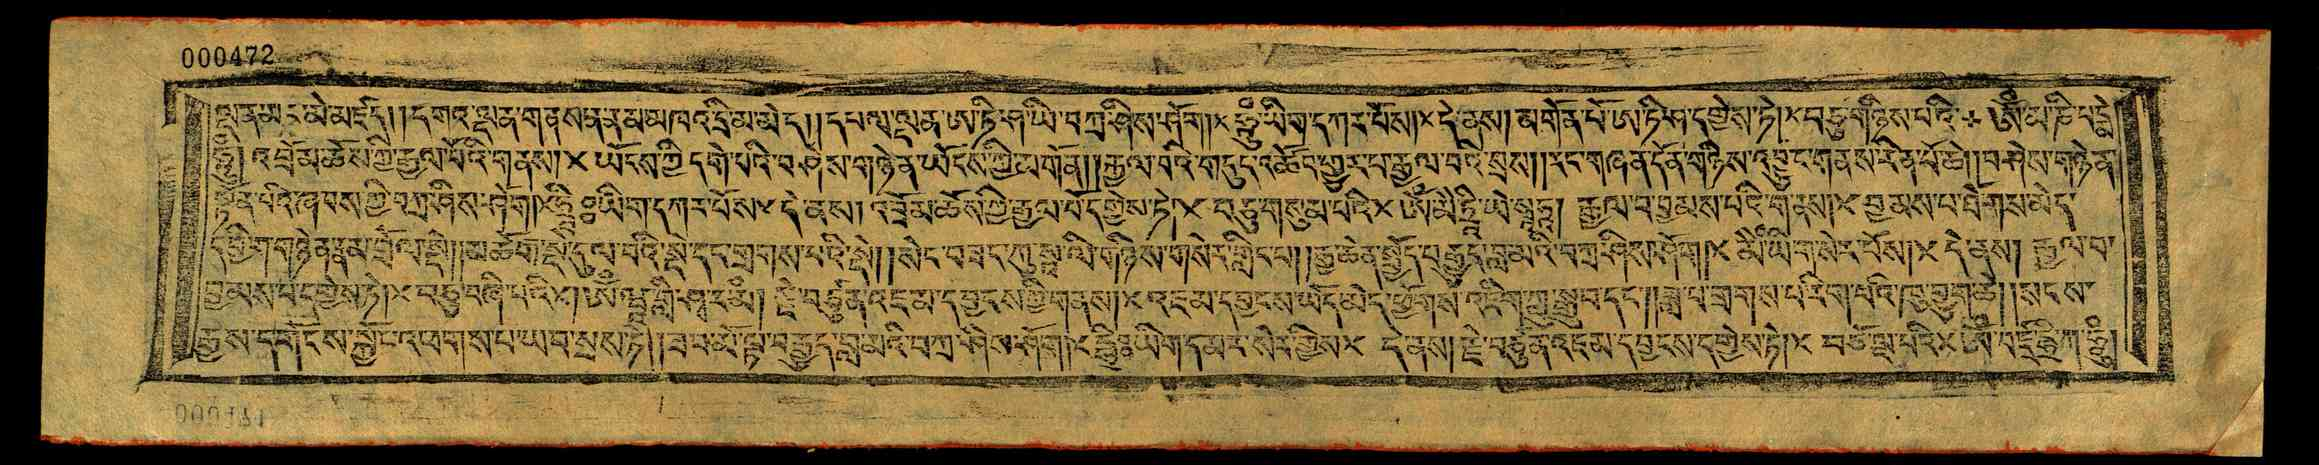ལྡན་མར་མེ་མཛད། །དགའ་ལྡན་གནས་ན་ནམ་མཁའ་དྲི་མ་མེད། །དཔལ་ལྡན་ཨ་ཏི་ཤ་ཡི་བཀྲ་ཤིས་ཤོག ། ྾་ཧཱུཾ་ཡིག་དཀར་པོག་྾་དེ་ནས། མགོན་པོ་ཨ་ཏི་ཤ་དགྱེས་ཏེ། ྾་བཅུ་གཉིས་པའི་ཨོཾ་མ་ཎི་པདམ་
ཧཱུཾ༑ འབྲོམ་ཆོས་ཀྱི་རྒྱལ་པོའི་གནས། ཡོངས་ཀྱི་དགེ་བའི་བཤེས་གཉེན་ཡོངས་ཀྱི་མགོན། །རྒྱལ་བའི་གདུང་འཚོབ་གྱུར་པ་རྒྱལ་བའི་སྲས། །རང་གཞན་དོན་གཉིས་འབྱུང་གནས་རིན་པོ་ཆེ། །བཤེས་གཉེན་
སྟོན་པའི་ཞབས་ཀྱི་བཀྲ་ཤིས་ཤོག ། ྾་ཧྲཱིཿ ཡིག་དཀར་པོས་྾་དེ་ནས། འབྲོམ་ཆོས་ཀྱི་རྒྱལ་པོ་དགྱེས་ཏེ། ྾་བཅུ་གསུམ་པའི་྾་ཨོཾ་མཻ་ཏྲཱི་ཡེ་སྭཱ་ཧཱ། རྒྱལ་བ་བྱམས་པའི་གནས། ྾་བྱམས་པ་ཐོགས་མེད་
དབྱིག་གཉེན་རྣམ་གྲོལ་སྡེ། །མཆོག་སྡེ་དུལ་བའི་སྡེ་དང་གྲགས་པའི་སྡེ། །སེད་བཟང་ཀུ་སཱ་ལི་གཉིས་གསེར་གླིང་པ། །རྒྱ་ཆེན་སྤྱོད་བརྒྱུད་བླ་མའི་བཀྲ་ཤིས་ཤོག ། ྾་མཻཾ་ཡིག་སེར་པོས། ྾་དེ་ནས། རྒྱལ་བ་
བྱམས་པ་དགྱེས་ཏེ། ྾་བཅུ་བཞི་པའི་྾་ཨོཾ་ཝE་གཱི་ཤྭ་ར་མཾ། རྗེ་བཙུན་འཇམ་དབྱངས་ཀྱི་གནས། ྾་འཇམ་དབྱངས་ཡོད་མེད་ཕྱོགས་འཇིག་ཀླུ་སྒྲུབ་དང་། །ཟླ་བ་གྲགས་པ་རིག་པའི་ཁུ་ཕྱུག་ཆེ། །སངས་
རྒྱས་དགོངས་སྐྱོང་འཕགས་པ་ཡབ་སྲས་ཏེ། །ཟབ་མོ་ལྟ་བརྒྱུད་བླ་མའི་བཀྲ་ཤོས་ཤོག །
྾་དྷྲིཿ ཡིག་དམར་སེར་གྱིས་྾་དེ་ནས། རྗེ་བཙུན་འཇམ་དབྱངས་དགྱེས་ཏེ། ྾་བཅོ་ལྔ་པའི་྾་ཨོཾ་བཛྲ་དྷྲཾ་ཀ་ཧཱུཾ།